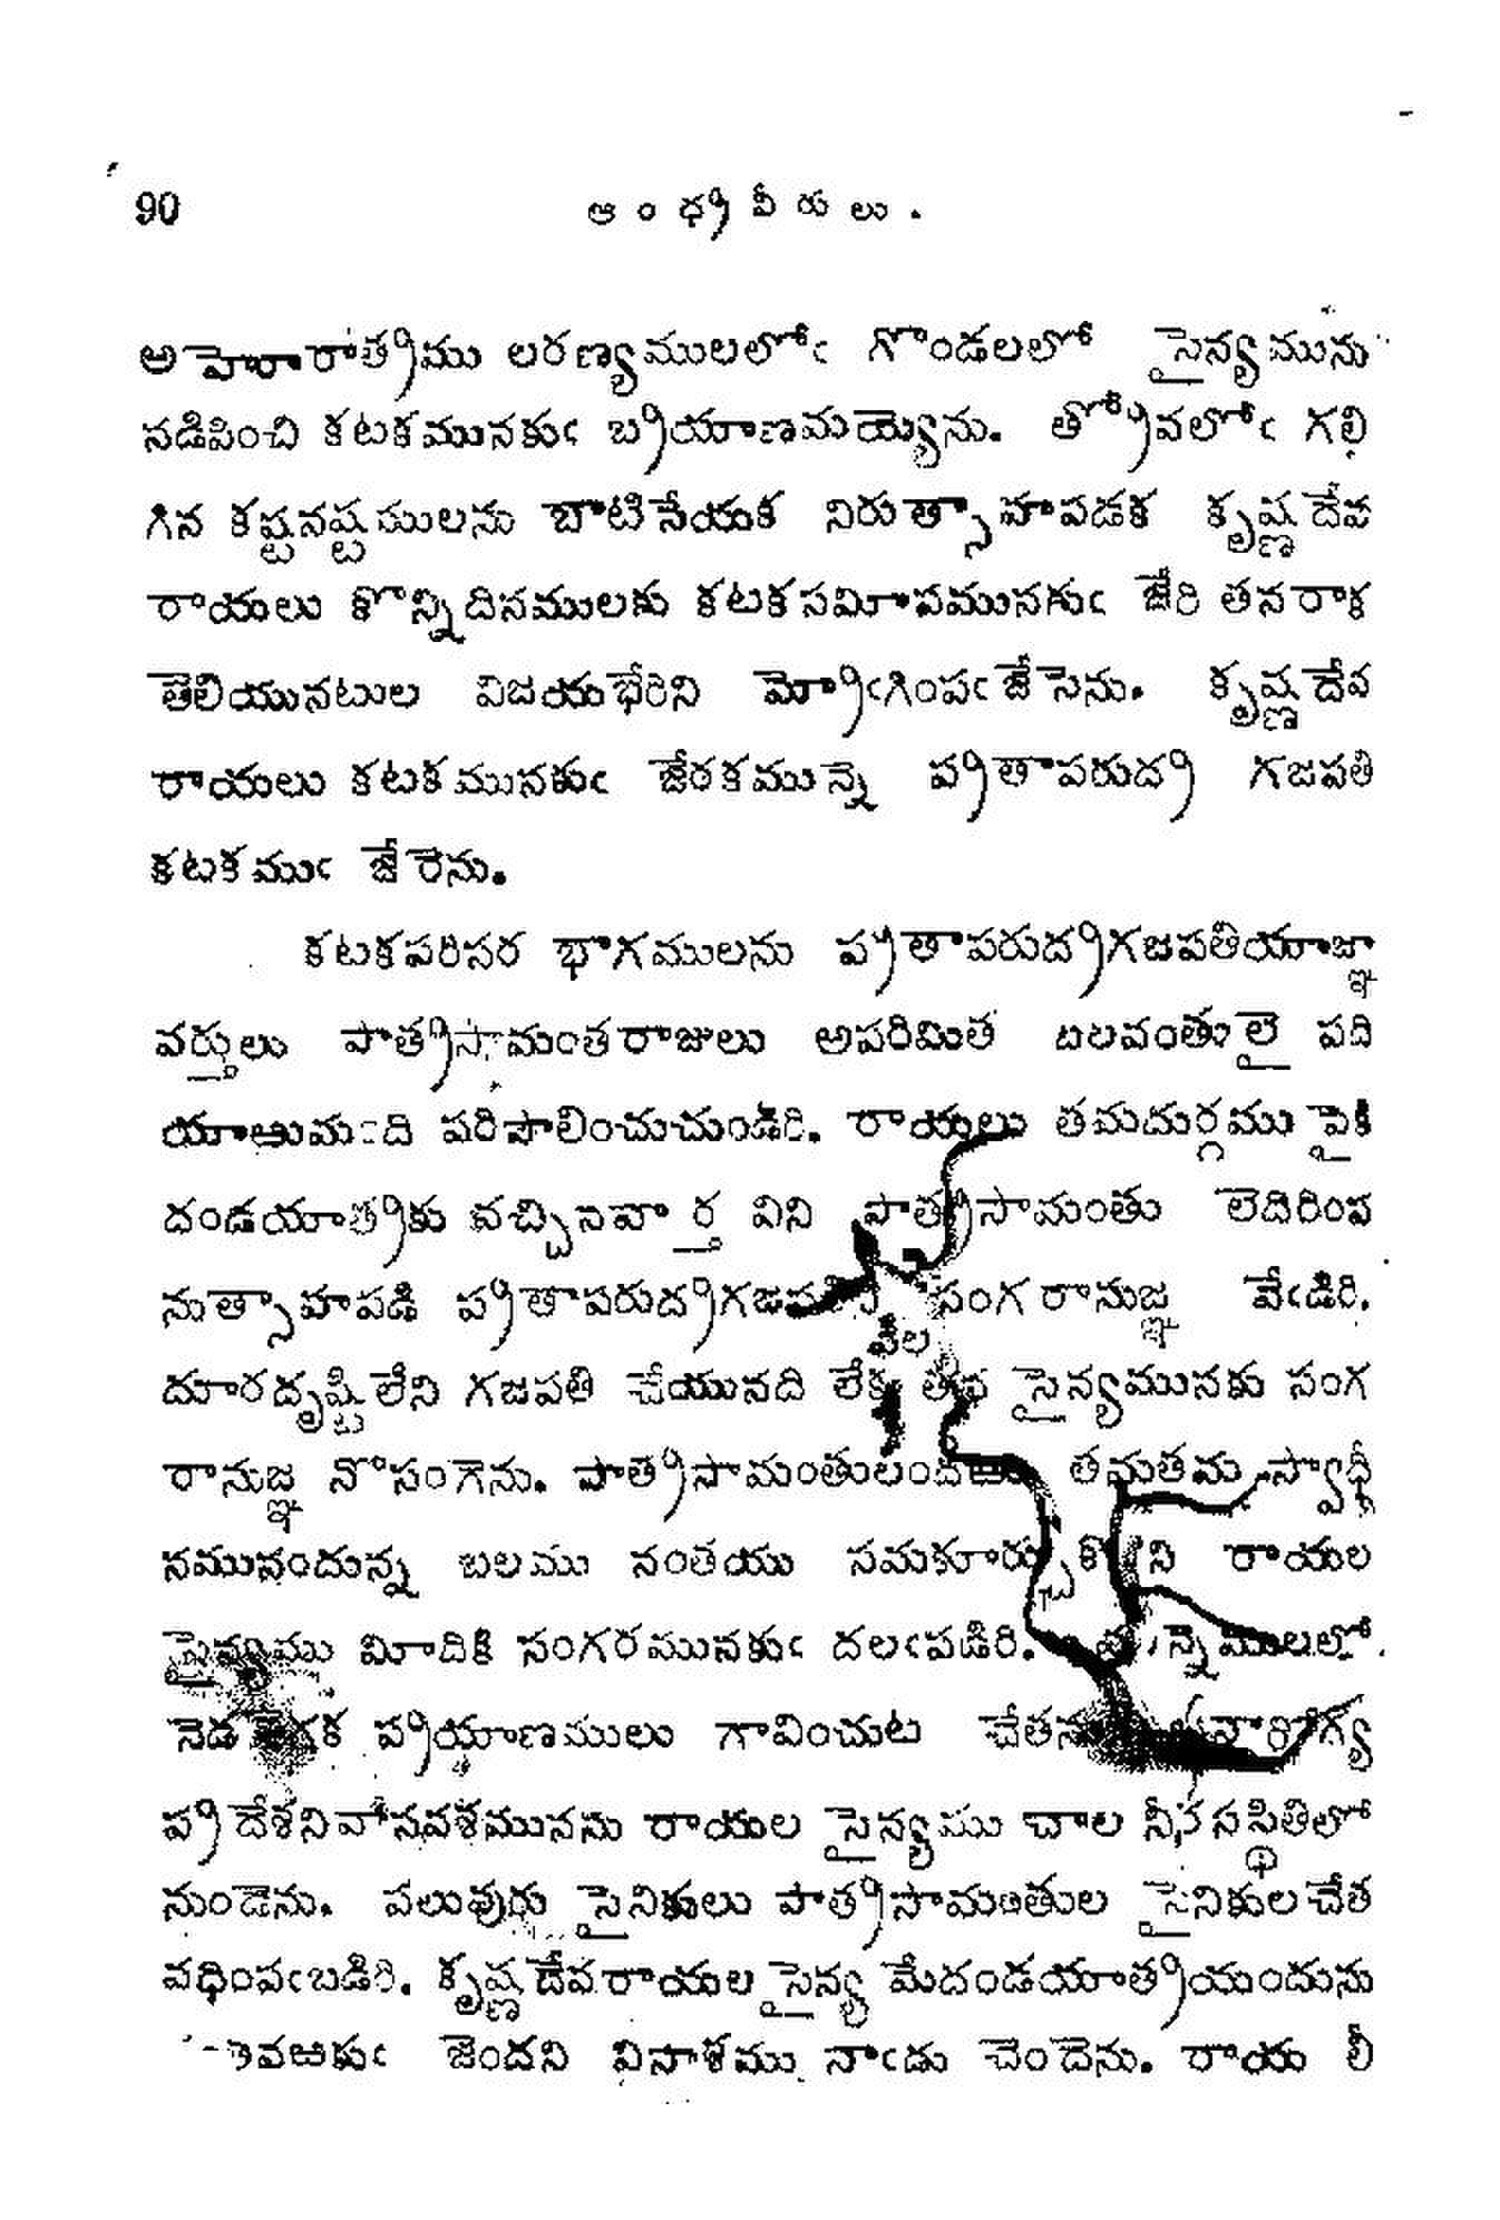అఃహోరాత్రము లరణ్యములలో గొండలలో సైన్యమును నడిపించి కటకమునకు బ్రయాణమయ్యెను. త్రోవలో గలిగిన కష్టనష్టములను బాటిసేయక నిరుత్సాహపడక కృష్ణదేవరాయలు కొన్నిదినములకు కటక సమీపమునకు జేరి తనరాక తెలియునటుల విజయభేరిని మ్రోగింపజేసెను. కృష్ణదేవరాయలు కటకమునకు జేరకమున్నె ప్రతాపరుద్రగజపతి కటకము జేరెను.

కటకపరిసర భాగములను ప్రతాపరుద్రగజపతియాజ్ఞావర్తులు పాత్రసామంతరాజులు అపరిమిత బలవంతులై పదియాఱుమంది పరిపాలించుచుండిరి. రాయలు తమదుర్గము పైకి దండయాత్రకు వచ్చినవార్త విని పాత్రసామంతు లెదిరింప నుత్సాహపడి ప్రతాపరుద్రగజపతి సంగరానుజ్ఞ వేడిరి. దూరదృష్టిలేని గజపతి చేయునది లేక వేల తన సైన్యమునకు సంగరానుజ్ఞ నొసంగెను. పాత్రసామంతులందఱు తమతమ స్వాధీనమునందున్న బలము నంతయు సమకూర్చుకొని రాయల సైన్యము మీదికి సంగరమునకు దలపడిరి. మన్నెములలో నెడతెగక ప్రయాణములు గావించుట చేతను ననారోగ్య ప్రదేశ నివాసవశమునను రాయల సైన్యము చాల నీరసస్థితిలో నుండెను. పలువురు సైనికులు పాత్రసామంతుల సైనికులచేత వధింపబడిరి. కృష్ణదేవరాయల సైన్యమే దండయాత్రయందును యింతవఱకు జెందని వినాసము నాడు చెందెను. రాయ లీ